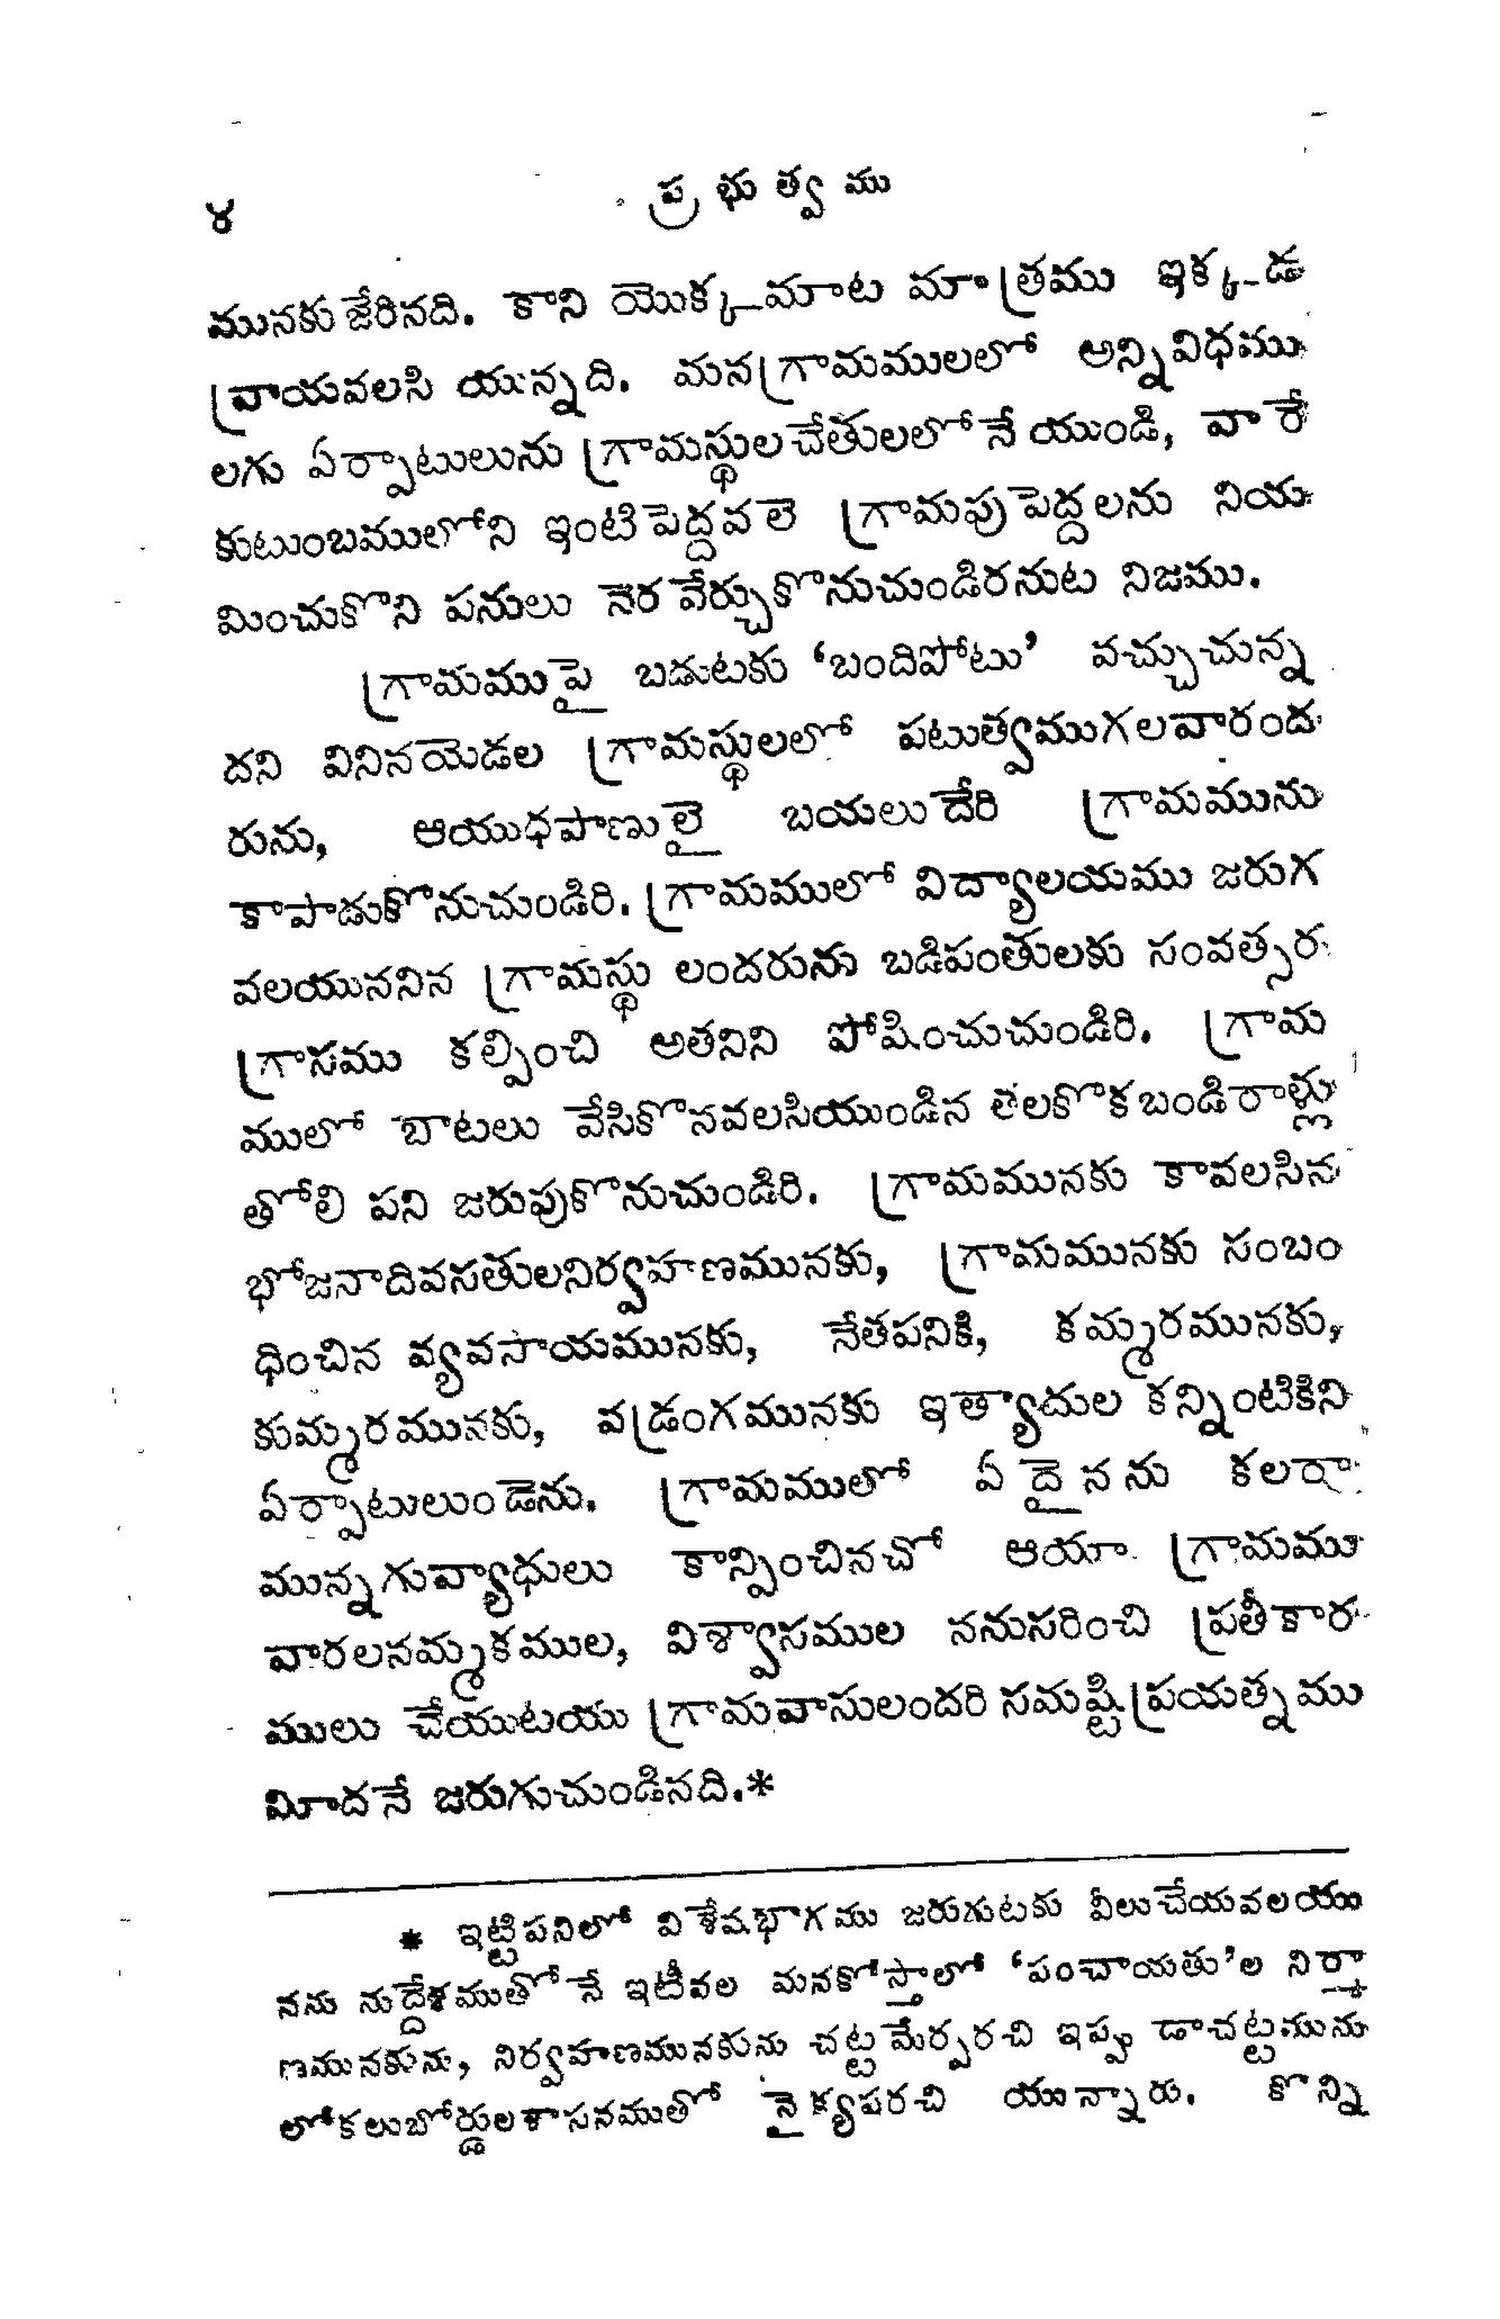మునకుజేరినది. కాని యొక్కమాట మాత్రము ఇక్కడ వ్రాయవలసి యున్నది. మనగ్రామములలో అన్నివిధములగు ఏర్పాటులును గ్రామస్థులచేతులలోనే యుండి, వారే కుటుంబములోని ఇంటిపెద్దవలె గ్రామపుపెద్దలను నియమించుకొని పనులు నెరవేర్చుకొనుచుండిరనుట నిజము.

గ్రామముపై బడుటకు 'బందిపోటు' వచ్చుచున్నదని వినినయెడల గ్రామస్థులలో పటుత్వముగల వారందరును, ఆయుధపాణులై బయలుదేరి గ్రామమును కాపాడుకొనుచుండిరి. గ్రామములో విద్యాలయము జరుగవలయుననిన గ్రామస్థు లందరును బడిపంతులకు సంవత్సర గ్రాసము కల్పించి 'అతనిని పోషించుచుండిరి. గ్రామములో బాటలు వేసికొనవలసియుండిన తలకొకబండిరాళ్లు తోలి పని జరుపుకొనుచుండిరి. గ్రామమునకు కావలసిన భోజనాదివసతులనిర్వహణమునకు, గ్రామమునకు సంబంధించిన వ్యవసాయమునకు, నేతపనికి, కమ్మరమునకు, కుమ్మరమునకు, వడ్రంగమునకు ఇత్యాదుల కన్నింటికిని ఏర్పాటులుండెను. గ్రామములో ఏదైనను కలరా
మున్నగువ్యాధులు కాన్పించినచో ఆయా గ్రామమువారలనమ్మకముల, విశ్వాసముల ననుసరించి ప్రతీకారములు చేయుటయు గ్రామవాసులందరి సమష్టి ప్రయత్నము మీదనే జరుగుచుండినది.